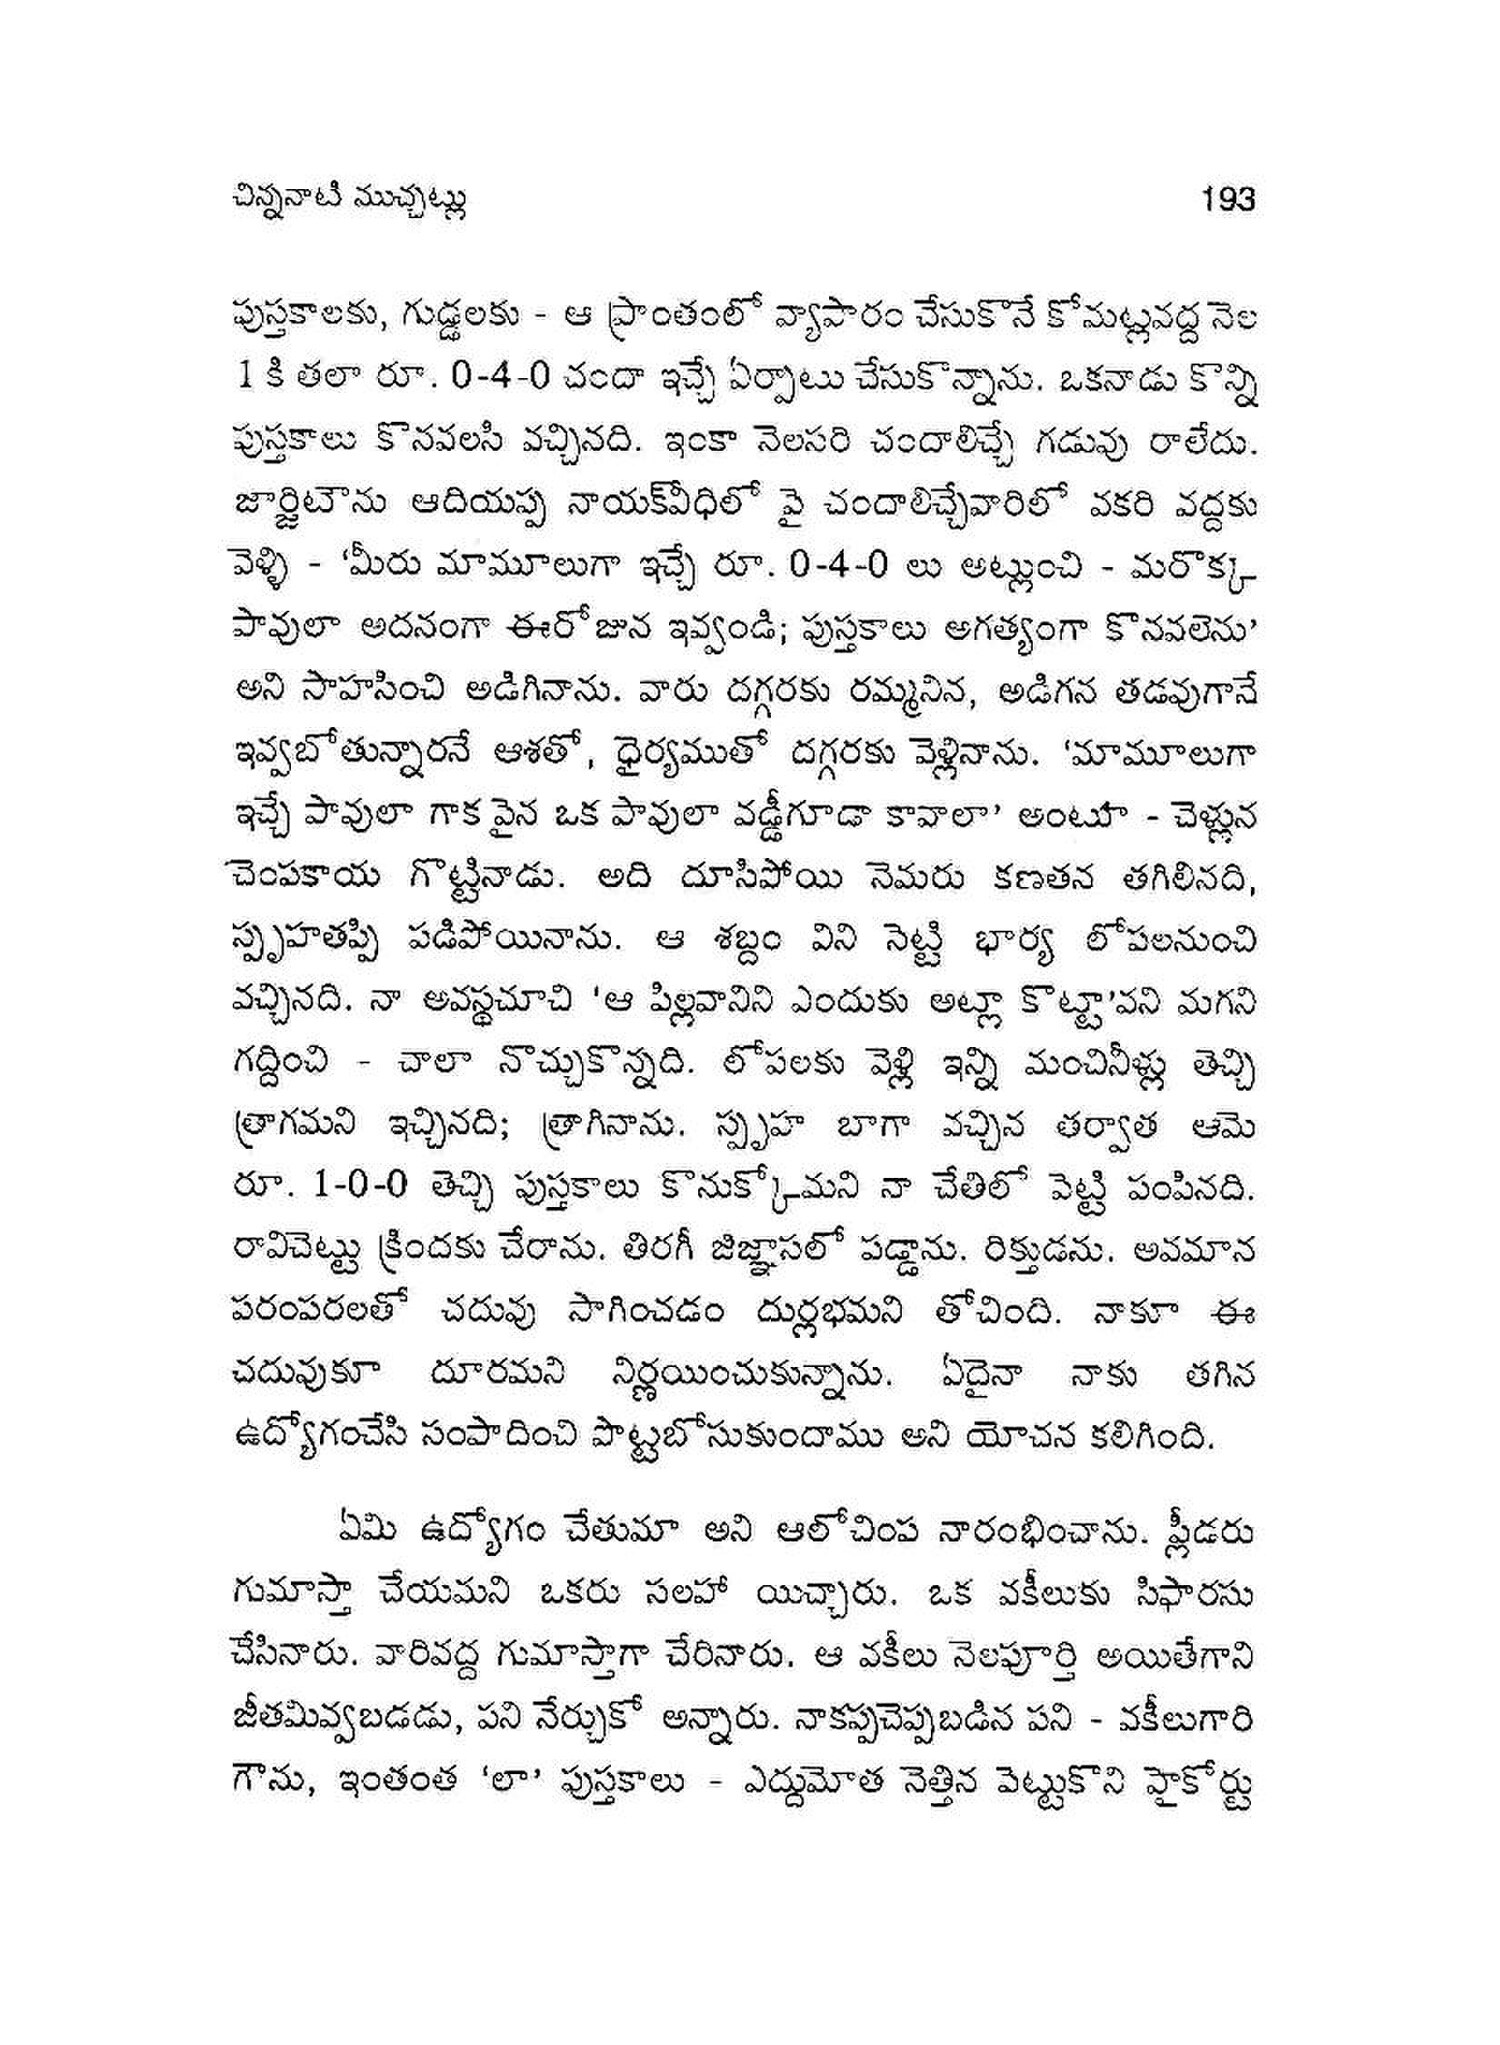పుస్తకాలకు, గుడ్డలకు - ఆ ప్రాంతంలో వ్యాపారం చేసుకొనే కోమట్లవద్ద నెల 1 కి తలా రూ. 0-4-0 చందా ఇచ్చే ఏర్పాటు చేసుకొన్నాను. ఒకనాడు కొన్ని పుస్తకాలు కొనవలసి వచ్చినది. ఇంకా నెలసరి చందాలిచ్చే గడువు రాలేదు. జార్జిటౌను ఆదియప్ప నాయక్ వీధిలో పై చందాలిచ్చేవారిలో వకరి వద్దకు వెళ్ళి - 'మీరు మామూలుగా ఇచ్చే రూ. 0-4-0 లు అటుంచి - మరొక్క పావులా అదనంగా ఈరోజున ఇవ్వండి; పుస్తకాలు అగత్యంగా కొనవలెను' అని సాహసించి అడిగినాను. వారు దగ్గరకు రమ్మనిన, అడిగన తడవుగానే ఇవ్వబోతున్నారనే ఆశతో, ధైర్యముతో దగ్గరకు వెళ్లినాను. 'మామూలుగా ఇచ్చే పావులా గాక పైన ఒక పావులా వడ్డీగూడా కావాలా' అంటూ - చెళ్ళున చెంపకాయ గొట్టినాడు. అది దూసిపోయి నెమరు కణతన తగిలినది, స్పృహతప్పి పడిపోయినాను. ఆ శబ్దం విని సెట్టి భార్య లోపలనుంచి వచ్చినది. నా అవస్థచూచి 'ఆ పిల్లవానిని ఎందుకు అల్లా కొట్టా'వని మగని గద్దించి - చాలా నొచ్చుకొన్నది. లోపలకు వెళ్లి ఇన్ని మంచినీళ్లు తెచ్చి త్రాగమని ఇచ్చినది; త్రాగినాను. స్పృహ బాగా వచ్చిన తర్వాత ఆమె రూ. 1-0-0 తెచ్చి పుస్తకాలు కొనుక్కోమని నా చేతిలో పెట్టి పంపినది. రావిచెట్టు క్రిందకు చేరాను. తిరగీ జిజ్ఞాసలో పడ్డాను. రిక్తుడను. అవమాన పరంపరలతో చదువు సాగించడం దుర్లభమని తోచింది. నాకూ ఈ చదువుకూ దూరమని నిర్ణయించుకున్నాను. ఏదైనా నాకు తగిన ఉద్యోగంచేసి సంపాదించి పొట్టబోసుకుందాము అని యోచన కలిగింది.

ఏమి ఉద్యోగం చేతుమా అని ఆలోచింప నారంభించాను. ప్లీడరు గుమాస్తా చేయమని ఒకరు సలహా యిచ్చారు. ఒక వకీలుకు సిఫారసు చేసినారు. వారివద్ద గుమాస్తాగా చేరినాను. ఆ వకీలు నెలపూర్తి అయితేగాని జీతమివ్వబడడు, పని నేర్చుకో అన్నారు. నాకప్పచెప్పబడిన పని - వకీలుగారి గౌను, ఇంతంత 'లా' పుస్తకాలు - ఎద్దుమోత నెత్తిన పెట్టుకొని హైకోర్టు